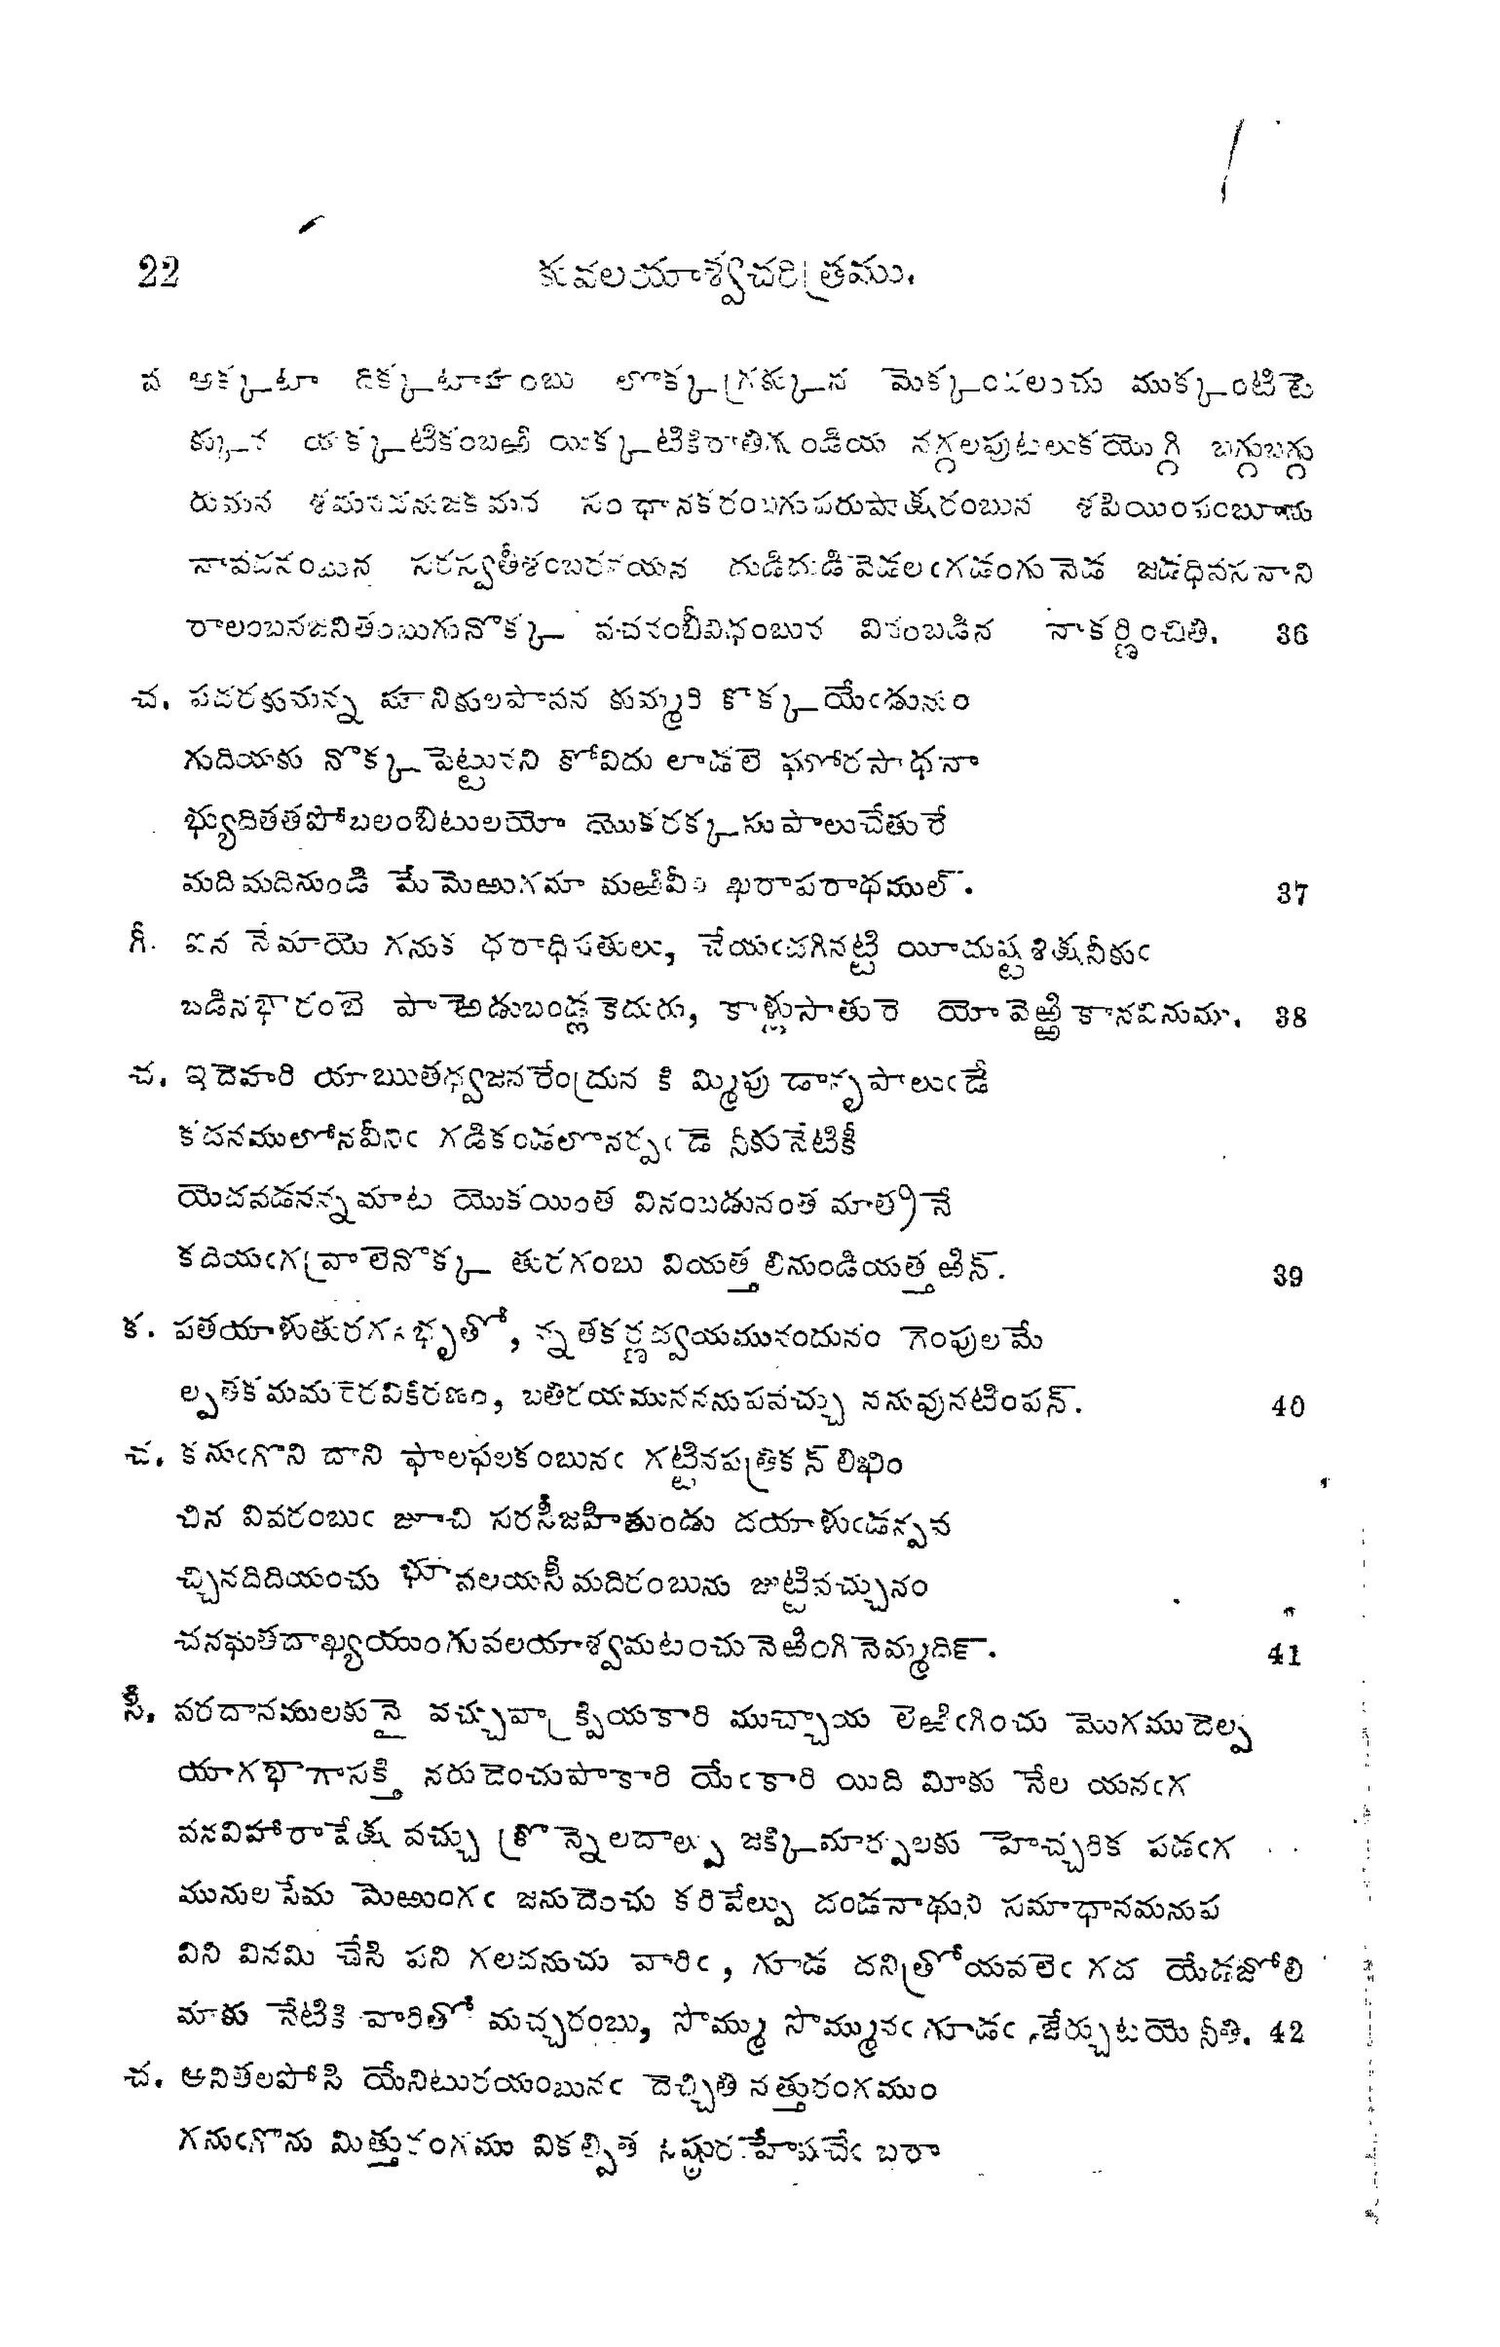వ. అక్కటా దిక్కటాహంబు లొక్కగ్రక్కున మెక్కందలంచు ముక్కంటిటె
క్కున యక్కటికంబఱి యిక్కటికిరాతిగుండియ నగ్గలపుటలుక యొగ్గి బగ్గుబగ్గు
రుమన శమనదనుజుక మన సంధానకరంబగు పరుషాక్షరంబున శపియింపంబూను
నావదనంబున సరస్వతీశంబరనయన దుడిదుడి వెడలఁగడంగునెడ జడధినసనాని
రాలంబనజనితంబుగు నొక్కవచనం బీవిధంబున వినంబడిన నాకర్ణించితి.
చ. పదరకుమన్న మౌనికులపానన కుమ్మరి కొక్కయేఁడునుం
గుదియకు నొక్కపెట్టు నని కోవిదు లాడరె ఘోరసాధనా
భ్యుదితతపోబలం బిటులయో యొకరక్కసుపాలు చేతురే
మది మదినుండి మే మెఱుగమా మఱి వీని ఖరాపరాధముల్.
గీ. ఐన నేమాయె గనుక ధరాధిపతులు, చేయఁదగినట్టి యీదుష్టశిక్ష నీకుఁ
బడినభారంబె పాఱెడుబండ్ల కెదురు, కాళ్లు సాతురె యో వెఱ్ఱికాన వినుము. 
చ. ఇదె హరి యాఋతధ్వజనరేంద్రున కి మ్మిపు డానృపాలుఁడే
కదనములోన వీనిఁ గడికండలొనర్పఁడె నీకు నేటి కీ
యెదవడనన్నమాట యొకయింత వినంబడునంత మాత్ర నే
కదెయఁగ వ్రాలె నొక్కతురగంబు వియత్తలినుండి యత్తఱిన్.
క. పతయాళుతురగవభృతో, న్నతకర్ణద్వయమునందునం గెంపులమే
ల్పతక మమరె రవికిరణం, బతిరయమున ననుపవచ్చు ననువు నటింపన్.
చ. కనుఁగొని దాని ఫాలఫలకంబునఁ గట్టినపత్రికన్ లిఖిం
చిన వివరంబుఁ జూచి సరసిజహితుండు దయాళుఁ డన్ప వ
చ్చిన దిది యంచు భూవలయసీమ దిరంబును జుట్టివచ్చునం
చనఘ తదాఖ్యయుం గువలయాశ్వ మటంచు నెఱింగి నెమ్మదిన్.
సీ. వరదానములకునై వచ్చు వాక్ప్రియకారి ముచ్చాయ లెఱిఁగించు మొగము దెల్ప
యాగభాగాసక్తి నరుదెంచుపాకారి యేఁకారి యిది మీకు నేల యనఁగ
వనవిహారాపేక్ష వచ్చు క్రొన్నెలదాల్పు జక్కిమార్పులకు హెచ్చరిక పడఁగ
మునులసేమ మెఱుంగఁ జనుదెంచు కరివేల్పు దండనాథుని సమాధాన మనుప
విని వినమి చేసి పని గలదనుచు వారిఁ , గూడదని త్రోయవలెఁ గద యేడజోలి
మాకు నేటికి వారితో మచ్చరంబు, సొమ్ము సొమ్మునఁ గూడఁ జేర్చుటయె నీతి.
చ. అని తలపోసి యే నిటు రయంబునఁ దెచ్చితి నత్తురంగముం
గనుఁగొను మిత్తురంగము వికల్పితనిష్టురహేషచేఁ బరా